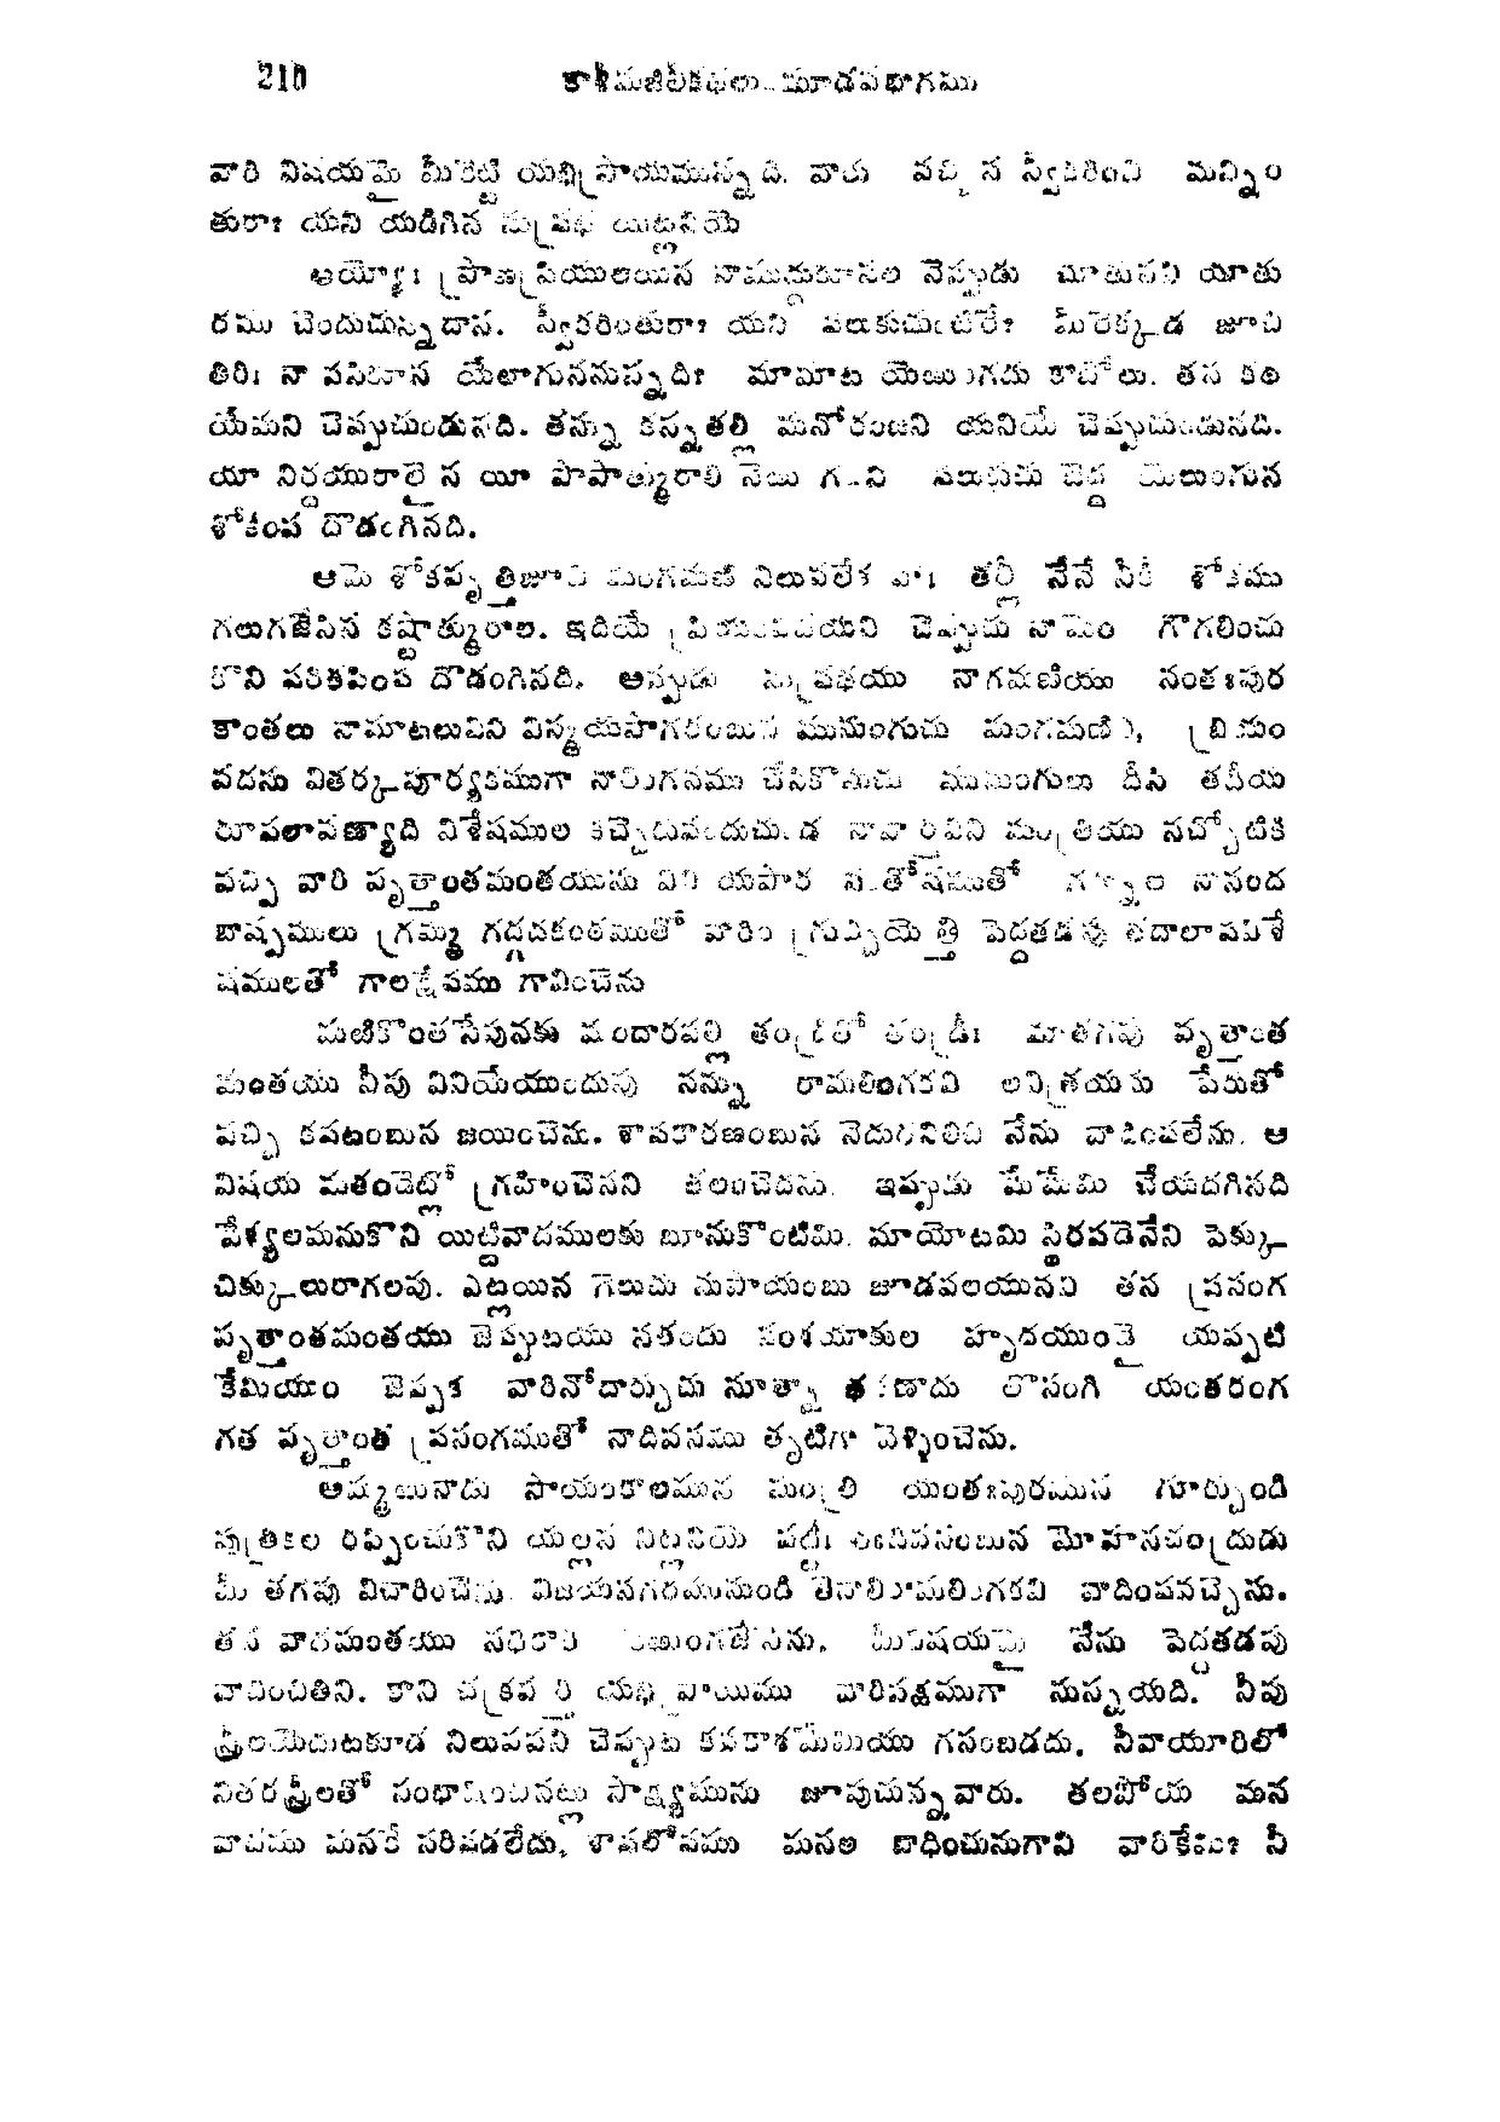వారి విషయమై మీకెట్టి యభిప్రాయమున్నది. వారు వచ్చిన స్వీకరించి మన్నింతురా? యని యడిగిన సుప్రభ యిట్లనియె.

అయ్యో? ప్రాణప్రియులయిన నాముద్దుకూనల నెప్పుడు చూతునని యాతురము చెందుచున్నదాన. స్వీకరింతురా? యని పలుకుచుంటిరే? మీరెక్కడ జూచితిరి! నా పసికూన యేలాగుననున్నది? మామాట యెఱుంగదు కాబోలు. తన కథ యేమని చెప్పుచుండునది. తన్ను కన్నతల్లి మనోరంజని యనియే చెప్పుచుండునది. యా నిర్దయురాలైన యీ పాపాత్మురాలి నెఱుంగనని పలుకుచు బెద్ద యెలుంగున
శోకింప దొడంగినది.

ఆమె శోకవృత్తిజూచి మంగమణి నిలువలేక హా! తల్లీ నేనే నీకీ శోకము గలుగజేసిన కష్టాత్మురాల. ఇదియే ప్రియంవదయని చెప్పుచు నామెం గౌగలించుకొని పరితపింప దొడంగినది. అప్పుడు సుప్రభయు నాగమణియు నంతఃపురకాంతలు నామాటలువిని విస్మయసాగరంబున మునుంగుచు మంగమణిని, బ్రియంవదను వితర్కపూర్యకముగా నాలింగనము చేసికొనుచు ముసుంగులు దీసి తదీయ రూపలావణ్యాది విశేషముల కచ్చెరువందుచుండ నావార్తవిని మంత్రియు నచ్చోటికి వచ్చి వారి వృత్తాంతమంతయును విని యపారసంతోషముతో గన్నుల నానంద బాష్పములు గ్రమ్మ గద్గదకంఠముతో వారిం గ్రుచ్చియెత్తి పెద్దతడవు తదాలాపవిశేషములతో గాలక్షేపము గావించెను

మఱికొంతసేపునకు మందారవల్లి తండ్రితో తండ్రీ! మాతగవు వృత్తాంత మంతయు నీవు వినియేయుందువు నన్ను రామలింగకవి లవిత్రయను పేరుతో వచ్చి కపటంబున జయించెను. శాపకారణంబున నెదురునిలిచి నేను వాదింపలేను. ఆ విషయ మతండెట్లో గ్రహించెనని తలంచెదను. ఇప్పుడు మేమేమి చేయదగినది వేశ్యలమనుకొని యిట్టివాదములకు బూనుకొంటిమి. మాయోటమి స్థిరపడెనేని పెక్కు చిక్కులురాగలవు. ఎట్లయిన గెలుచు నుపాయంబు జూడవలయునని తన ప్రసంగవృత్తాంతమంతయు జెప్పుటయు నతండు సంశయాకులహృదయుండై యప్పటి కేమియుం జెప్పక వారి నోదార్చుచు నూత్నభరణాదు లొసంగి యంతరంగగతవృత్తాంతప్రసంగముతో నాదివసము తృటిగా వెళ్ళించెను.

అమ్మఱునాడు సాయంకాలమున మంత్రి యంతఃపురమున గూర్చుండి పుత్రికల రప్పించుకొని యల్లన నిట్లనియె పట్టీ! ఈదివసంబున మోహనచంద్రుడు మీ తగవు విచారించెను. విజయనగరమునుండి తెనాలిరామలింగకవి వాదింపవచ్చెను. తన వాదమంతయు నధికారి నెఱుంగజేసెను. మీవిషయమై నేను పెద్దతడవు వాదించితిని. కాని చక్రవర్తి యభిప్రాయము వారిపక్షముగా నుస్నయది. నీవు
స్త్రీలయెదుటకూడ నిలువవని చెప్పుట కవకాశమేమియు గనంబడదు. నీవాయూరిలో నితరస్త్రీలతో సంభాషించినట్లు సాక్ష్యమును జూపుచున్నవారు. తలపోయ మన వాదము మనకే సరిపడలేదు. శాపలోపము మనల బాధించునుగాని వారికేమి? నీ